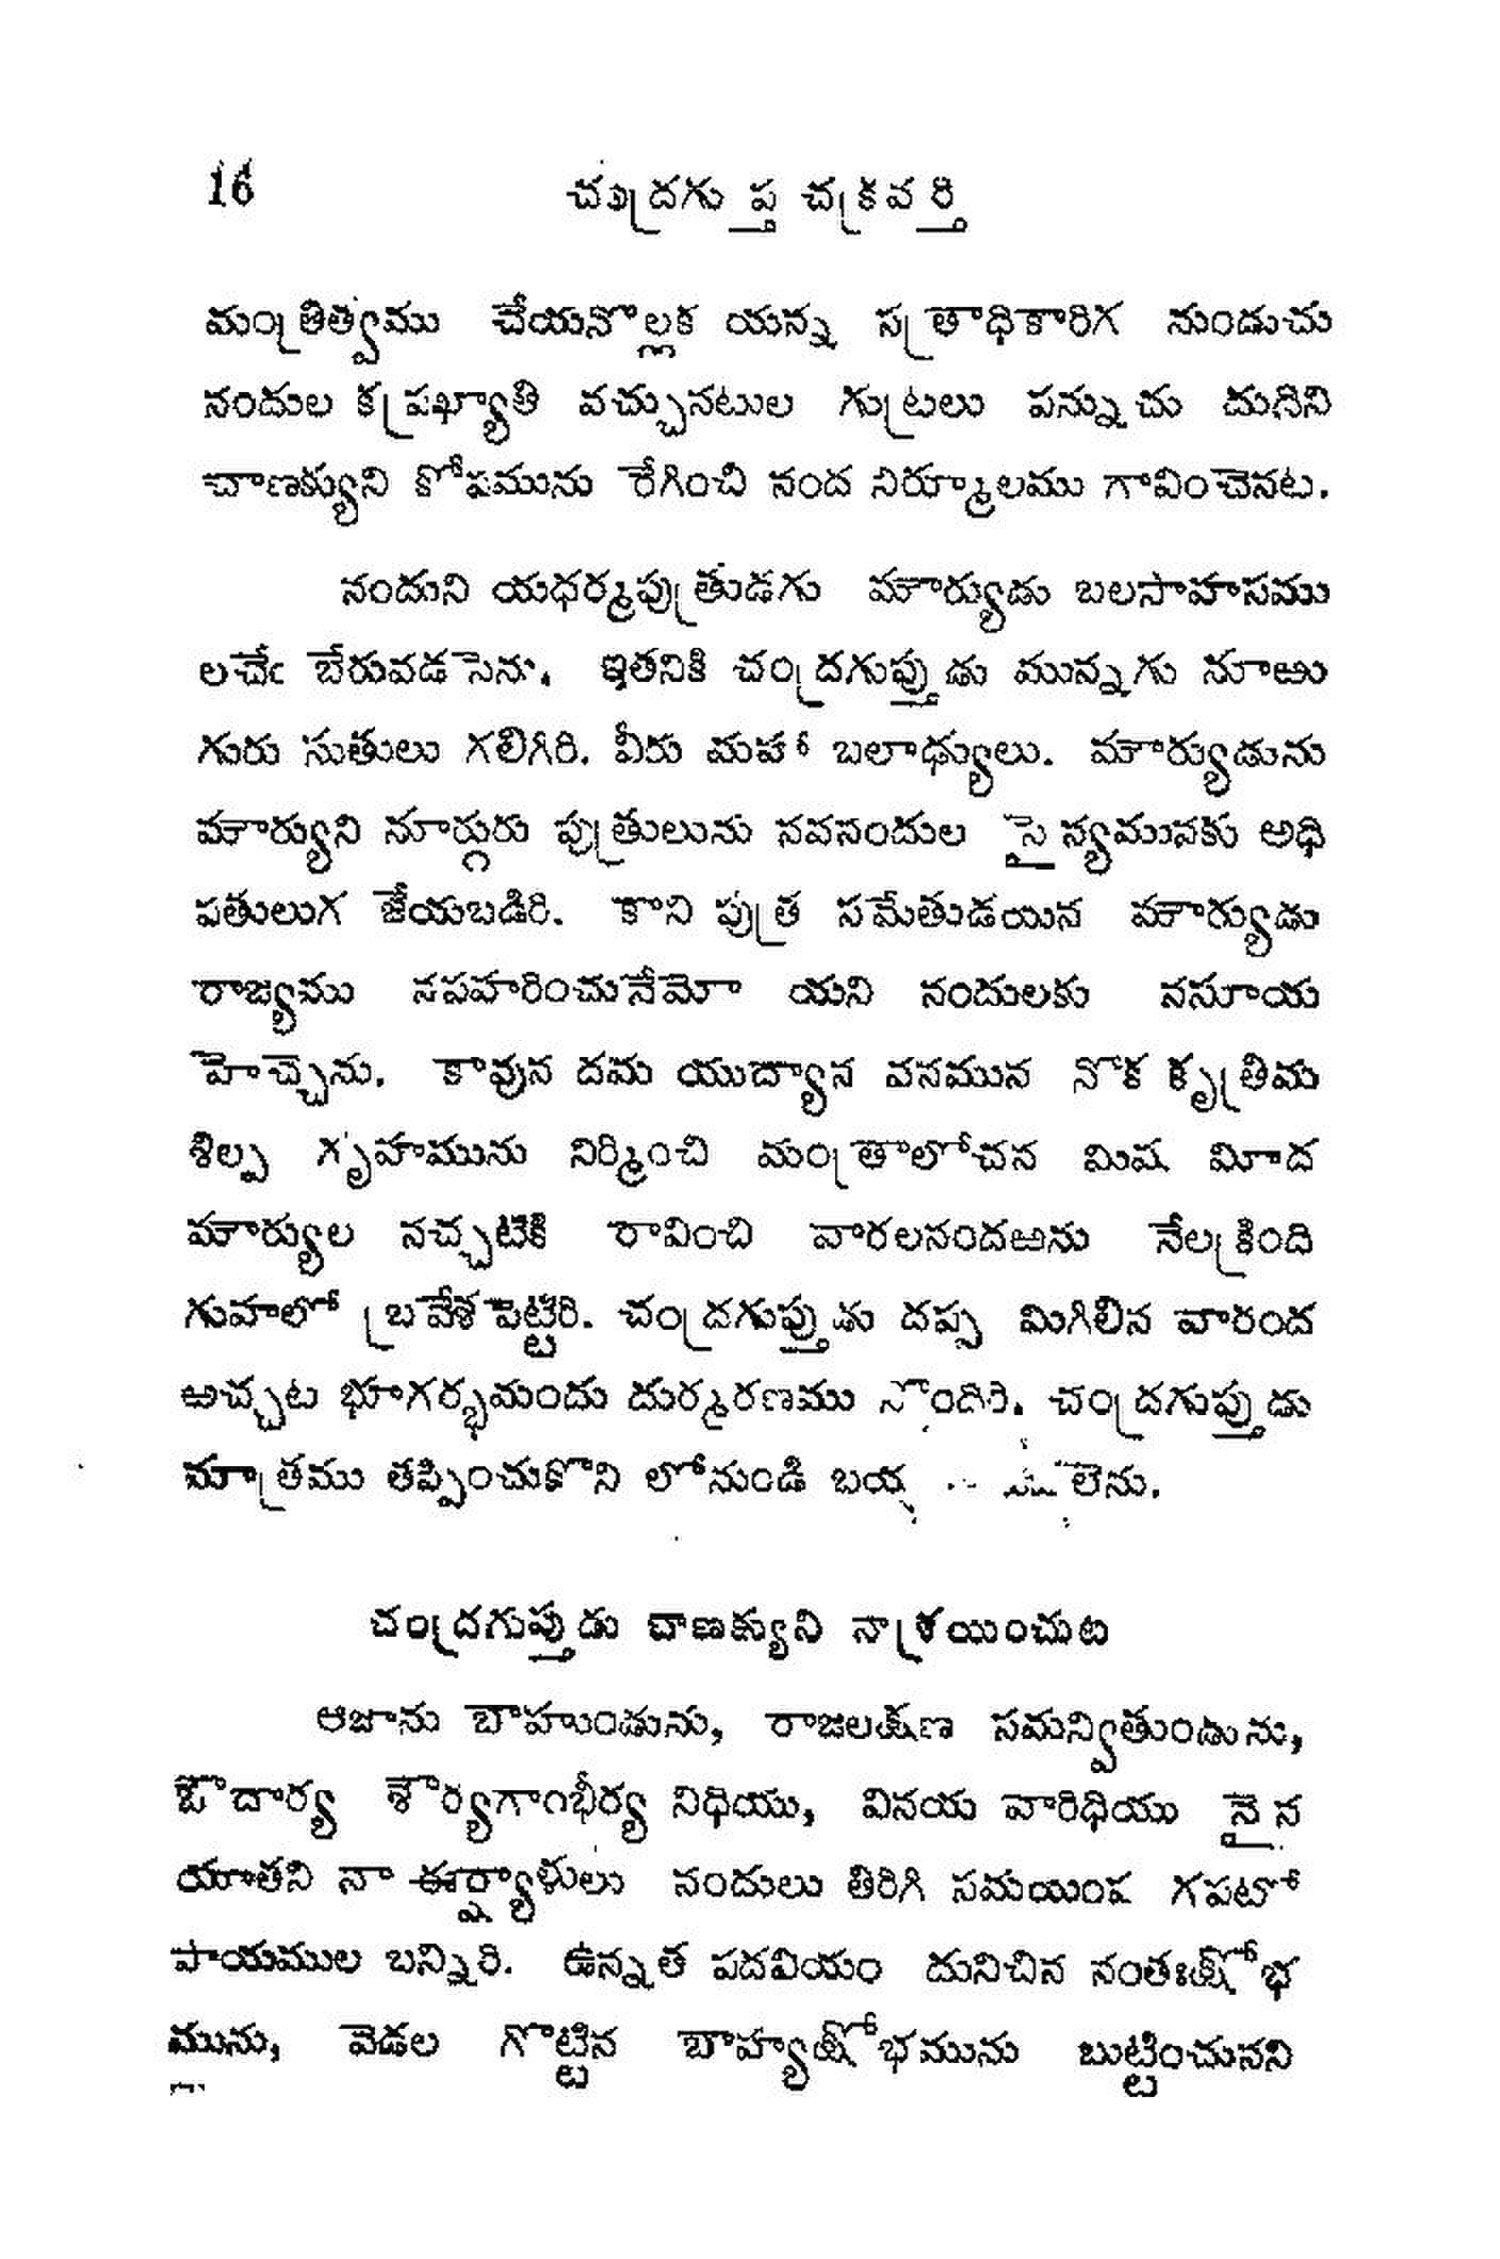మంత్రిత్వము చేయనొల్లక యన్న సత్రాధికారిగ నుండుచు నందుల కప్రఖ్యాతి వచ్చునటుల గుట్రలు పన్నుచు దుదిని వాణక్యుని కోపమును రేగించి నంద నిర్మూలము గావించెనట.

నందుని యధర్మపుత్రుడగు మౌర్యుడు బలసాహసములచేఁ బేరువడసెను. ఇతనికి చంద్రగుప్తుడు మున్నగు నూఱుగురు సుతులు గలిగిరి. వీరు మహా బలాడ్యులు. మౌర్యుడును మౌర్యుని నూర్గురు పుత్రులును నవనందుల సైన్యమునకు అధిపతులుగ జేయబడిరి. కాని పుత్ర సమేతుడయిన మౌర్యుడు రాజ్యము నపహరించునేమో యని నందులకు నసూయ హెచ్చెను. కావున దమ యుద్యాన వనమున నొక కృత్రిమ శిల్ప గృహమును నిర్మించి మంత్రాలోచన మిష మీద మౌర్యుల నచ్చటికి రావించి వారలనందఱను నేలక్రింది గుహలో బ్రవేశపెట్టిరి. చంద్రగుప్తుడు దప్ప మిగిలిన వారంద ఱచ్చట భూగర్భమందు దుర్మరణము నొందిరి. చంద్రగుప్తుడు మాత్రము తప్పించుకొని లోనుండి బయటికివెడలెను..

చంద్రగుప్తుడు చాణక్యుని నాశ్రయించుట

ఆజాను బాహుండును, రాజలక్షణ సమన్వితుండును, ఔదార్య శౌర్యగాంభీర్య నిధియు, వినయ వారిధియు నైన యాతని నా ఈర్ష్యాళులు నందులు తిరిగి సమయింప గపటోపాయముల బన్నిరి. ఉన్నత పదవియం దునిచిన నంతఃక్షోభమును, వెడలగొట్టిన బాహ్యక్షోభమును బుట్టించునని